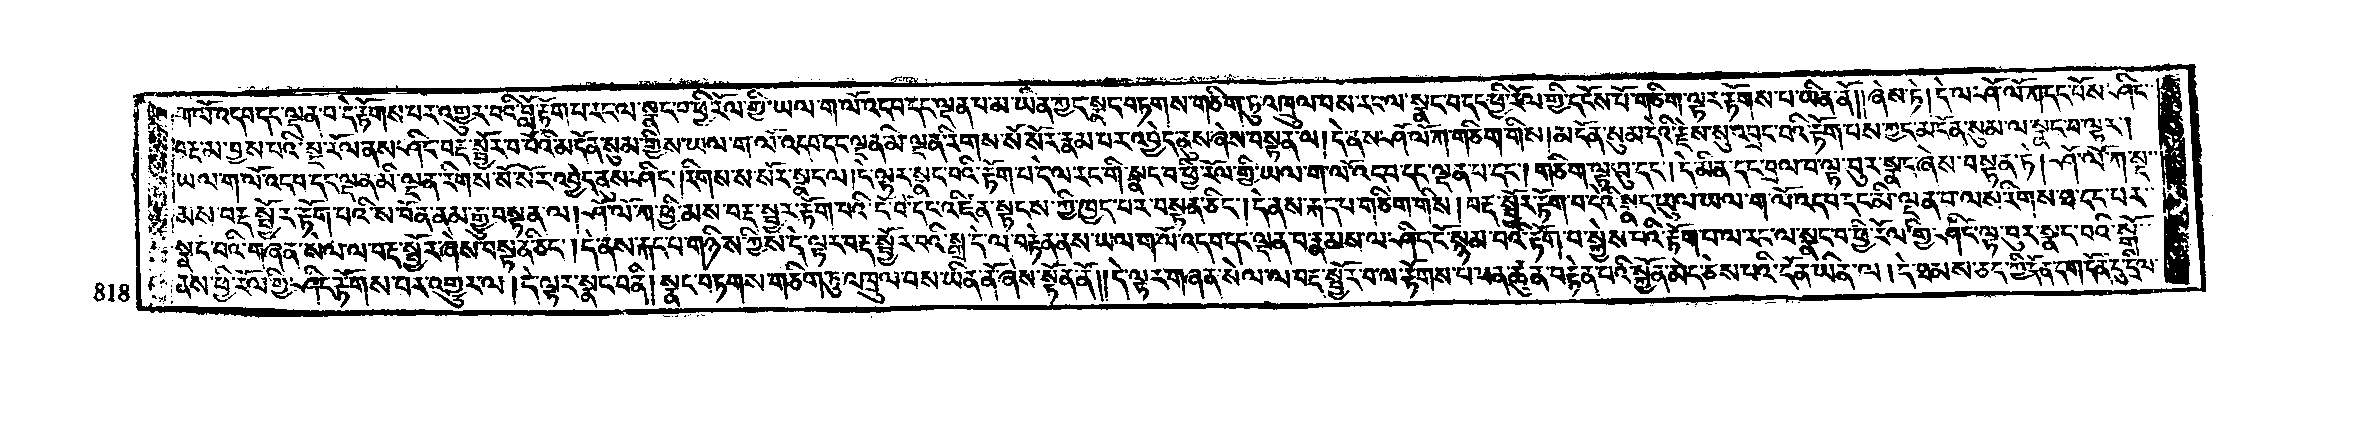ག་ལོ་འདབ་དང་ལྡན་བ་དེ་རྟོགས་པར་འགྱུར་བའི་བློ་རྟོགས་པ་རང་ལ་སྣང་བ་ཕྱི་རོལ་གྱི་ཡལ་ག་ལོ་འདབ་དང་ལྡན་པ་མ་ཡིན་ཀྱང་སྣང་བཏགས་གཅིག་ཏུ་འཁྲུལ་བས་རང་ལ་སྣང་བ་དང་ཕྱི་རོལ་གྱི་དངོས་པོ་གཅིག་ལྟར་རྟོགས་པ་ཡིན་ནོ། །ཞེས་ཏེ། དེ་ལ་ཤོ་ལོ་ཀ་དང་པོས་ཤིང་
བརྔ་མ་བྱས་པའི་སྔ་རོལ་ནས་ཤིང་བརྔ་སྦྱོར་བ་བོའི་མངོན་སུམ་གྱིས་ཡལ་ག་ལོ་འདབ་དང་ལྡན་མི་ལྡན་རིགས་སོ་སོར་རྣམ་པར་འབྱེད་ནུས་ཞེས་བསྟན་ལ། དེ་ནས་ཤོ་ལོ་ཀ་གཅིག་གིས། མངོན་སུམ་དེའི་རྗེས་སུ་འབྲང་བའི་རྟོག་པས་ཀྱང་མངོན་སུམ་ལ་སྣང་བ་ལྟར།
ཡལ་ག་ལོ་འདབ་དང་ལྡན་མི་ལྡན་རིགས་སོ་སོར་འབྱེད་ནུས་ཤིང་། རིགས་སོ་སོར་སྣང་ལ། དེ་ལྟར་སྣང་བའི་རྟོག་པ་དེ་ལ་རང་གི་སྣང་བ་ཕྱི་རོལ་གྱི་ཡལ་ག་ལོ་འདབ་དང་ལྡན་པ་དང་། གཅིག་ལྟ་བུ་དང་། དེ་མིན་དང་བྲལ་བ་ལྟ་བུར་སྣང་ཞེས་བསྟན་ཏེ། ཤོ་ལོ་ཀ་སྔ་
མས་བརྡ་སྦྱོར་རྟོག་པའི་ས་བོན་ནམ་རྒྱུ་བསྟན་ལ། ཤོ་ལོ་ཀ་ཕྱི་མས་བརྡ་སྦྱར་རྟོག་པའི་ངོ་བོ་དང་འཛིན་སྟངས་ཀྱི་ཁྱད་པར་བསྟན་ཅིང་། དེ་ནས་རྐད་པ་གཅིག་གིས། བརྡ་སྦྱོར་རྟོག་པ་དེའི་སྣང་ཡུལ་ཡལ་ག་ལོ་འདབ་དང་མི་ལྡན་པ་ལས་རིགས་ཐ་དད་པར་
སྣང་བའི་གཞན་སེལ་ལ་བརྡ་སྦྱོར་ཞེས་བསྟན་ཅིང་། དེ་ནས་རྐང་པ་གཉིས་ཀྱིས་དེ་ལྟར་བརྡ་སྦྱོར་བའི་སྒྲ་དེ་ལ་བརྟེན་ནས་ཡལ་ག་ལོ་འདབ་དང་ལྡན་པ་རྣམས་ལ་ཤིང་ངོ་སྙམ་པའི་རྟོག་པ་སྐྱེས་པའི་རྟོག་པ་ལ་རང་ལ་སྣང་བ་ཕྱི་རོལ་གྱི་ཤིང་ལྟ་བུར་སྣང་བའི་སྒོ་
ནས་ཕྱི་རོལ་གྱི་ཤིང་རྟོགས་པར་འགྱུར་ལ། དེ་ལྟར་སྣང་བ་ནི། སྣང་བཏགས་གཅིག་ཏུ་འཁྲུལ་བས་ཡིན་ནོ་ཞེས་སྟོན་ནོ། །དེ་ལྟར་གཞན་སེལ་ལ་བརྡ་སྦྱོར་བ་ལ་རྟོགས་པ་ཕན་ཚུལ་བརྟེན་པའི་སྐྱོན་མེད་ཅེས་པའི་དོན་ཡིན་ལ། དེ་ཐམས་ཅད་ཀྱི་དོན་དག་དོན་དུ་དྲིལ་